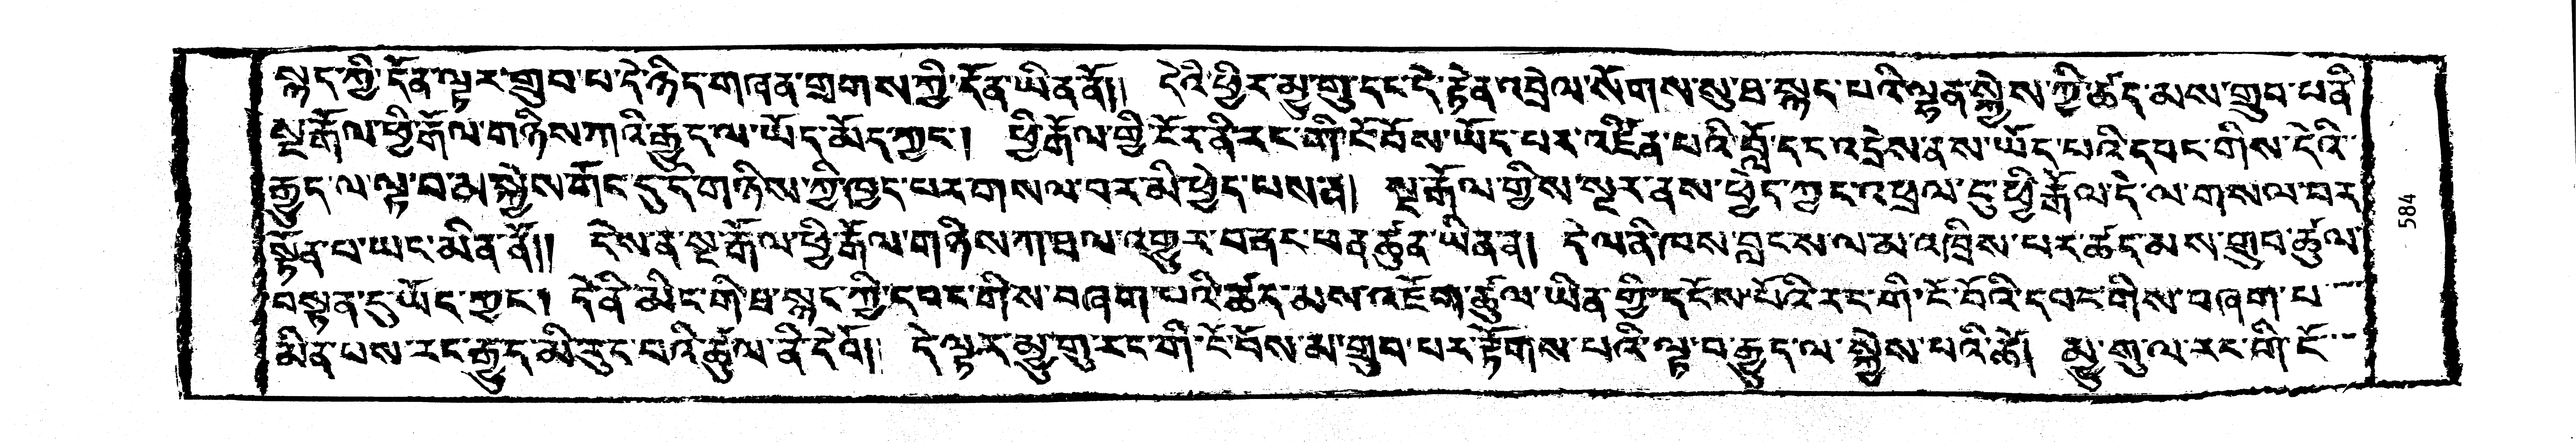སྙད་ཀྱི་དོན་ལྟར་གྲུབ་པ་དེ་ཉིད་གཞན་གྲགས་ཀྱི་དོན་ཡིན་ནོ།། དེའི་ཕྱིར་མྱུ་གུ་དང་དེ་རྟེན་འབྲེལ་སོགས་སུ་ཐ་སྙད་པའི་ལྷན་སྐྱེས་ཀྱི་ཚད་མས་གྲུབ་པ་ནི་
སྔ་རྒོལ་ཕྱི་རྒོལ་གཉིས་ཀའི་རྒྱུད་ལ་ཡོད་མོད་ཀྱང་། ཕྱི་རྒོལ་གྱི་ངོར་ནི་རང་གི་ངོ་བོས་ཡོད་པར་འཛིན་པའི་བློ་དང་འདྲེས་ནས་ཡོད་པའི་དབང་གིས་དེའི་
རྒྱུད་ལ་ལྟ་བ་མ་སྐྱེས་གོང་དུ་དེ་གཉིས་ཀྱི་ཁྱད་པར་གསལ་བར་མི་ཕྱེད་པས་ན། སྔ་རྒོལ་གྱིས་སྔར་ནས་ཕྱེད་ཀྱང་འཕྲལ་དུ་ཕྱི་རྒོལ་དེ་ལ་གསལ་བར་
སྟོན་པ་ཡང་མིན་ནོ། །དེས་ན་སྔ་རྒོལ་ཕྱི་རྒོལ་གཉིས་ཀ་ཐལ་འགྱུར་བ་ནང་ཕན་ཚུན་ཡིན་ན། དེ་ལ་ནི་ཁས་བླང་ས་ལམ་འཁྲིས་པར་ཚད་མས་གྲུབ་ཚུལ་
བསྟན་དུ་ཡོད་ཀྱང་། དེ་ནི་མིང་གི་ཐ་སྙད་ཀྱི་དབང་གིས་བཞག་པའི་ཚད་མས་འཇོག་ཚུལ་ཡིན་གྱི་དངོས་པོའི་རང་གི་ངོ་བོའི་དབང་གིས་བཞག་པ་
མིན་པས་རང་རྒྱུད་མི་རུང་པའི་ཚུལ་ནི་དེའོ། དེ་ལྟར་མྱུ་གུ་རང་གི་ངོ་བོས་མ་གྲུབ་པར་རྟོགས་པའི་ལྟ་བ་རྒྱུད་ལ་སྐྱེས་པའི་ཚེ། མྱུ་གུ་ལ་རང་གི་ངོ་